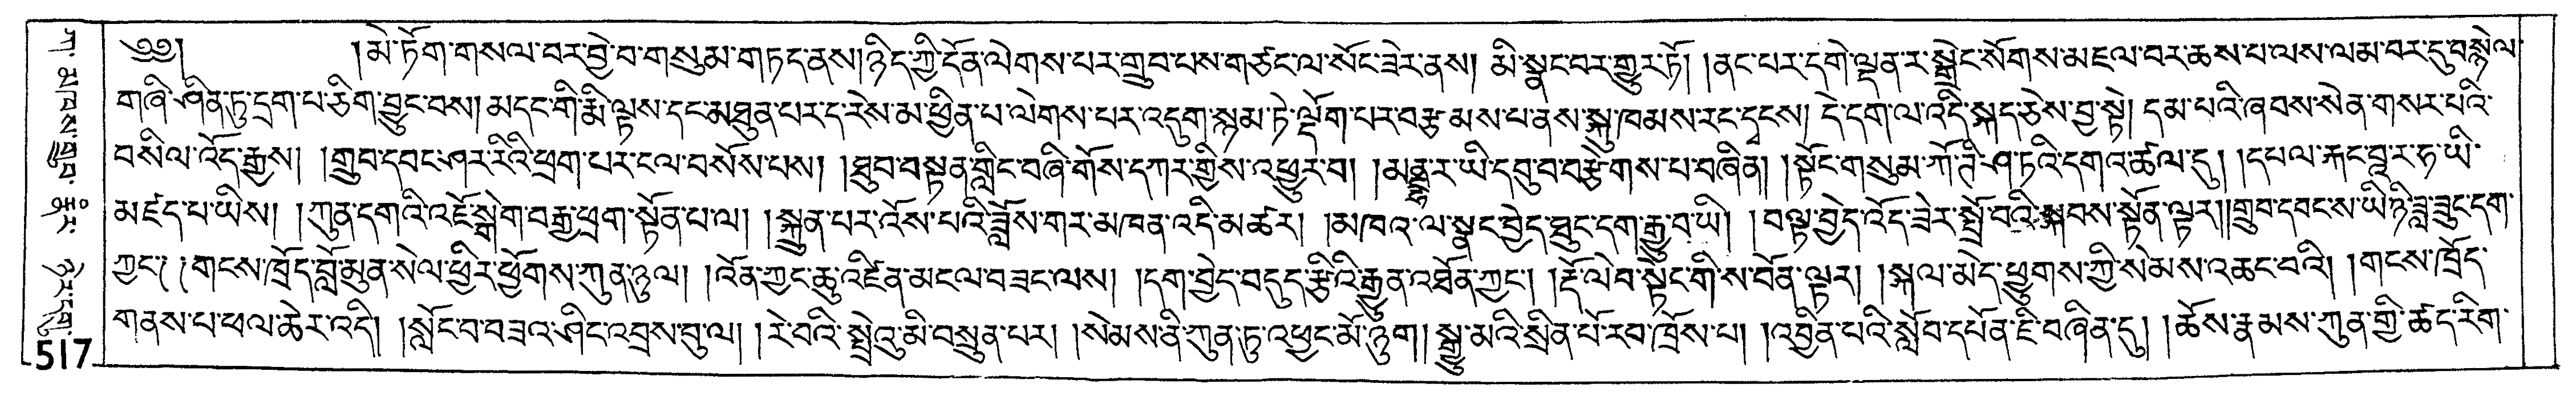༄༅། །མེ་ཏོག་གསལ་བར་བྱེ་བ་གསུམ་གཏད་ནས། ཉིད་ཀྱི་དོན་ལེགས་པར་གྲུབ་པས་གཙང་ལ་སོང་ཟེར་ནས། མི་སྣང་བར་གྱུར་ཏོ། །ནང་པར་དགེ་ལྡན་ར་སྒྲེང་སོགས་མཇལ་བར་ཆས་པ་ལས་ལམ་བར་དུ་བསྙེལ་
གཞི་ཤིན་ཏུ་དྲག་པ་ཅིག་བྱུང་བས། མདང་གི་རྨི་ལྟས་དང་མཐུན་པར་ད་རེས་མ་ཕྱིན་པ་ལེགས་པར་འདུག་སྙམ་ཏེ་ལྡོག་པར་བརྩམས་པ་ནས་སྐུ་ཁམས་རང་དྭངས། དེ་དག་ལ་འདི་སྐད་ཅེས་བྱ་སྟེ། དམ་པའི་ཞབས་སེན་གསར་པའི་
བསིལ་འོད་རྒྱས། །གྲུབ་དབང་ཤར་རིའི་ཕྲག་པར་ངལ་བསོས་པས། །ཐུབ་བསྟན་གླིང་བཞི་གོས་དཀར་གྱིས་འཕྱུར་བ། །མནྡྷ་ར་ཡི་དབུ་བ་བརྩེགས་པ་བཞིན། །སྟོང་གསུམ་ཀོ་ཊི་ཤ་ཏའི་དགའ་ཚལ་དུ། །དཔལ་རྐང་བཱ་ར་ཧ་ཡི་
མཛད་པ་ཡིས། །ཀུན་དགའི་འཇོ་སྒེག་བརྒྱ་ཕྲག་སྟོན་པ་ལ། །སྐྲུན་པར་འོས་པའི་ཟློས་གར་མཁན་འདི་མཚར། །མཁའ་ལ་སྣང་བྱེད་ཐུང་དག་རྒྱུ་བ་ཡི། །བལྟ་བྱེད་འོད་ཟེར་སྤྲོ་བའི་སྐབས་སྟོན་ལྟར། །གྲུབ་དབང་ས་ཡི་ཉི་ཟླ་ཟུང་དག་
ཀྱང༑ ༑གངས་ཁྲོད་བློ་མུན་སེལ་ཕྱིར་ཕྱོགས་ཀུན་ཉུལ། །འོན་ཀྱང་ཆུ་འཛིན་མངལ་བཟང་ལས། །དག་བྱེད་བདུད་རྩིའི་རྒྱུན་འཐོན་ཀྱང་། །རྡོ་ལེབ་སྟེང་གི་ས་བོན་ལྟར། །སྐལ་མེད་ཕྱུགས་ཀྱི་སེམས་འཆང་བའི། །གང་ཁྲོད་
གནས་པ་ཕལ་ཆེར་འདི། །སློང་བ་བཟའ་ཤིང་འབྲས་བུ་ལ། །རེ་བའི་སྤྲེའུ་མི་བསྲུན་པར། །སེམས་ནི་ཀུན་ཏུ་འཕྱང་མོ་ཉུག །སྒྱུ་མའི་སྲིན་པོ་རབ་ཁྲོས་པ། །འབྱིན་པའི་སློབ་དཔོན་ཇི་བཞིན་དུ། །ཆོས་རྣམས་ཀུན་གྱི་ཚད་རིག་